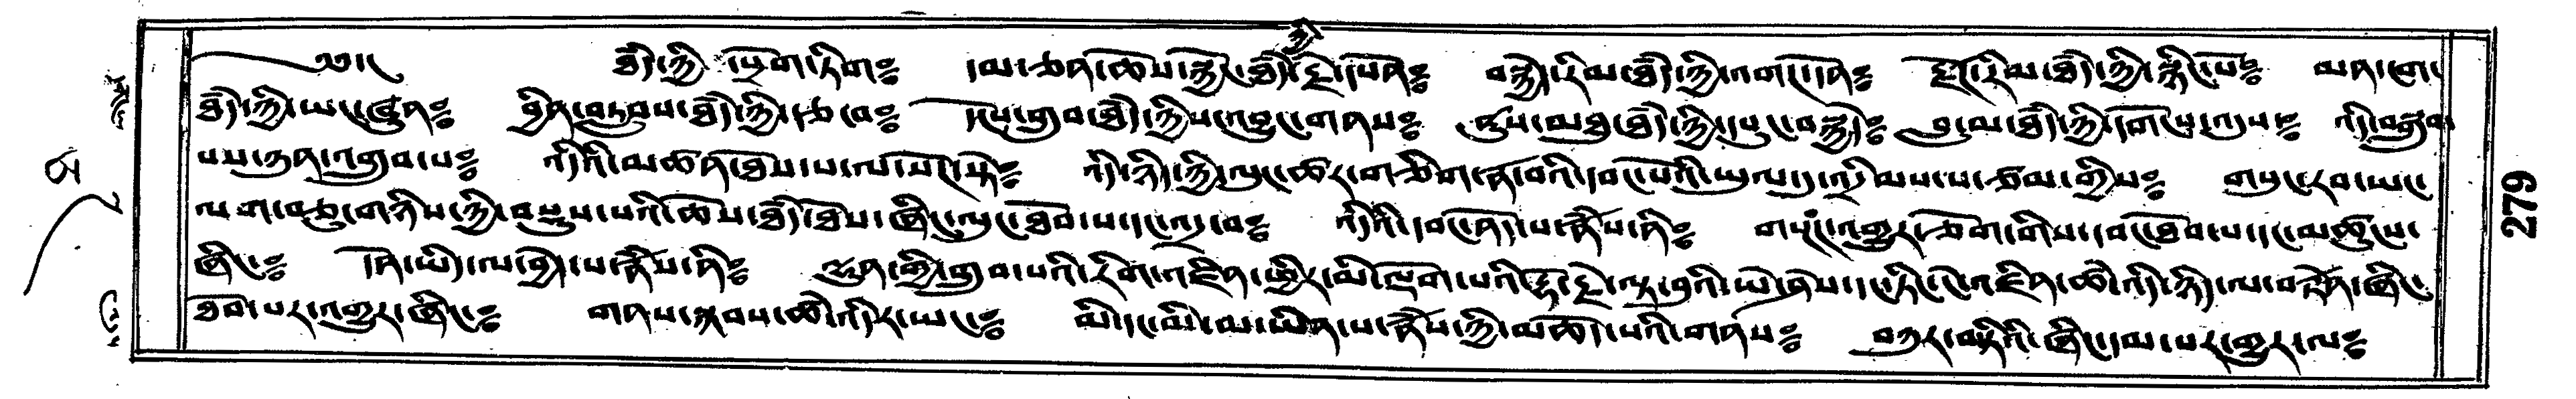༄༅། ཐམས་ཅད་ཀྱི་སྲོག་ཏིག༔ དམ་ཅན་ཆོས་སྐྱོང་ཐམས་ཅད་ཀྱི་རྗེ་དཔོན༔ བསྐྱེད་རིམ་ཐམས་ཅད་ཀྱི་འགག་དོན༔ རྫོགས་རིམ་ཐམས་ཅད་ཀྱི་སྙིང་པོ༔ མན་ངག་
ཐམས་ཅད་ཀྱི་ཡང་ཞུན༔ བྱིན་རླབས་ཐམས་ཅད་ཀྱི་རྩ་བ༔ དངོས་གྲུབ་ཐམས་ཅད་ཀྱི་འབྱུང་གནས༔ ནུས་མཐུ་ཐམས་ཅད་ཀྱི་དཔུང་བསྐྱེད༔ བླ་མ་ཐམས་ཅད་ཀྱི་དགོངས་འདུས༔ འདི་བསྒྲུབས་
པས་ཀུན་འགྲུབ་པ༔ འདིའི་མཚན་ཐོས་པ་ལ་སོགས་སྟེ༔ འདི་ཉིད་ཀྱི་ལུང་ཚར་གཅིག་རྣ་བའི་དབང་པོའི་ཡུལ་དུ་འགྲིམས་པ་ཙམ་གྱིས༔ གསུང་རབ་ཡན་
ལག་བཅུ་གཉིས་ཀྱིས་བསྡུས་པའི་ཆོས་ཐམས་ཅད་ཐོས་ཞིང་ལུང་ཐོབ་པ་དང་འདྲ་ལ༔ འདིའི་དབང་ནོད་པ་རྣམས་ནི༔ གསང་སྔགས་འགྱུར་རོ་ཅོག་གི་དབང་ཐོབ་པ་དང་མཚུངས་
ཤིང༔ དོན་ཡིད་ལ་བྱེད་པ་རྣམས་ནི༔ ལྷུན་གྱིས་གྲུབ་པའི་རིག་འཛིན་ཕྱིར་མི་ལྡོག་པའི་རྡོ་རྗེ་ལྟ་བུའི་ཡེ་ཤེས་དང་ཏིང་ངེ་འཛིན་ཚེ་འདི་ཉིད་ལ་རྟེན་ཞིང་
ཐོབ་པར་འགྱུར་ཞིང༔ གནས་སྐབས་ཚེ་འདིར་ཡང༔ མི་དང་མི་མ་ཡིན་པ་རྣམས་ཀྱི་མཆོད་པའི་གནས༔ བཀུར་སྟིའི་ཞིང་དམ་པར་འགྱུར་ལ༔